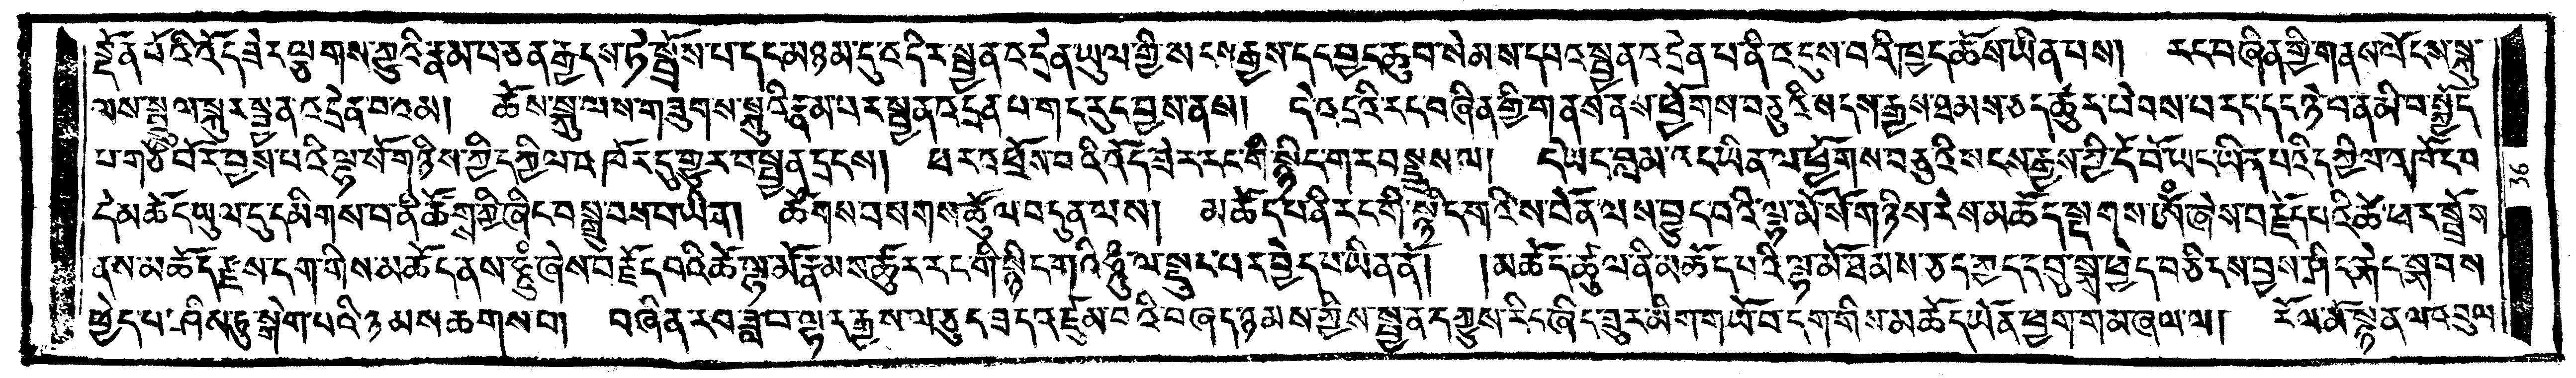སྔོན་པོའི་འོད་ཟེར་ལྕགས་ཀྱུའི་རྣམ་པ་ཅན་རྒྱངས་ཏེ་སྦྲོས་པ་དང་མཉམ་དུ་འདིར་སྤྱན་འདྲེན་ཡུལ་གྱི་སངས་རྒྱས་དང་བྱང་ཆུབ་སེམས་དཔའ་སྤྱན་འདྲེན་པ་ནི་འདུས་བའི་ཁྱད་ཆོས་ཡིན་པས། རང་བཞིན་གྱི་གནས་ལོངས་སྐུ་
ལས་སྤྲུལ་སྐུར་སྤྱན་འདྲེན་བ་འམ། ཆོས་སྐུ་ལས་གཟུགས་སྐུའི་རྣམ་པར་སྤྱན་འདྲན་པ་གང་རུང་བྱས་ནས། དེ་འདྲའི་རང་བཞིན་གྱི་གནས་ནས་ཕྱོགས་བཅུའི་སངས་རྒྱས་ཐམས་ཅད་ཚུར་ཕེབས་པ་རང་དང་ཉེ་བ་ན་མི་བསྐྱོད་
པ་གཙོ་བོར་བྱས་པའི་ལྷ་སོ་གཉིས་ཀྱི་དཀྱིལ་འཁོར་དུ་གྱུར་བ་སྤྱན་དྲངས། ཕར་འཕྲོས་བའི་འོད་ཟེར་རང་གི་སྙིང་གར་བསྡུས་ལ། དེ་ཡང་བླ་མ་འང་ཡིན་ལ་ཕྱོགས་བཅུའི་སངས་རྒྱས་ཀྱི་ངོ་བོ་ཡང་ཡིན་པའི་དཀྱིལ་འཁོར་བ་
དེ་མཆོད་ཡུལ་དུ་དམིགས་པ་ནི་ཚོགས་ཀྱི་ཞིང་བསྒྲུབས་པ་ཡིན། ཚོགས་བསགས་ཚུལ་བདུན་ལས། མཆོད་པ་ནི་རང་གི་སྙིང་དགའི་ས་བོན་ལས་བྱུང་བའི་ལྷ་མོ་སོ་གཉིས་རེས་མཆོད་སྔགས་ཨོཾ་ཞེས་བརྗོད་པའི་ཚེ་ཕར་སྤྲོས་
ནས་མཆོད་རྫས་དག་གིས་མཆོད་ནས་ཧཱུཾ་ཞེས་བརྗོད་བའི་ཚེ་ལྷ་མོ་རྣམས་ཚུར་རང་གི་སྙིང་གའི་ཧཱུཾ་ལ་སྡུད་པར་བྱེད་པ་ཡིན་ནོ། །མཆོད་ཚུལ་ནི་མཆོད་པའི་ལྷ་མོ་ཐམས་ཅད་ཀྱང་དབུ་སྐྲ་ཕྱེད་བཅིངས་བྱས་ཤིང་རྐེད་སྐབས་
ཕྱེད་པ་ཤིན་ཏུ་སྒེག་པའི་ཉམས་ཆགས་པ། བཞིན་རབ་ཟླ་བ་ལྟར་རྒྱས་ལ་ཅུང་ཟད་འཛུམ་བའི་བཞད་ཉམས་ཀྱིས་སྤྱན་དཀྱུས་རིང་ཞིང་ཟུར་མིག་གཡོ་བ་དག་གིས་མཆོད་ཡོན་ཕྱག་གམ་ཞལ་ལ། རོལ་མོ་སྙན་ལ་འབུལ་